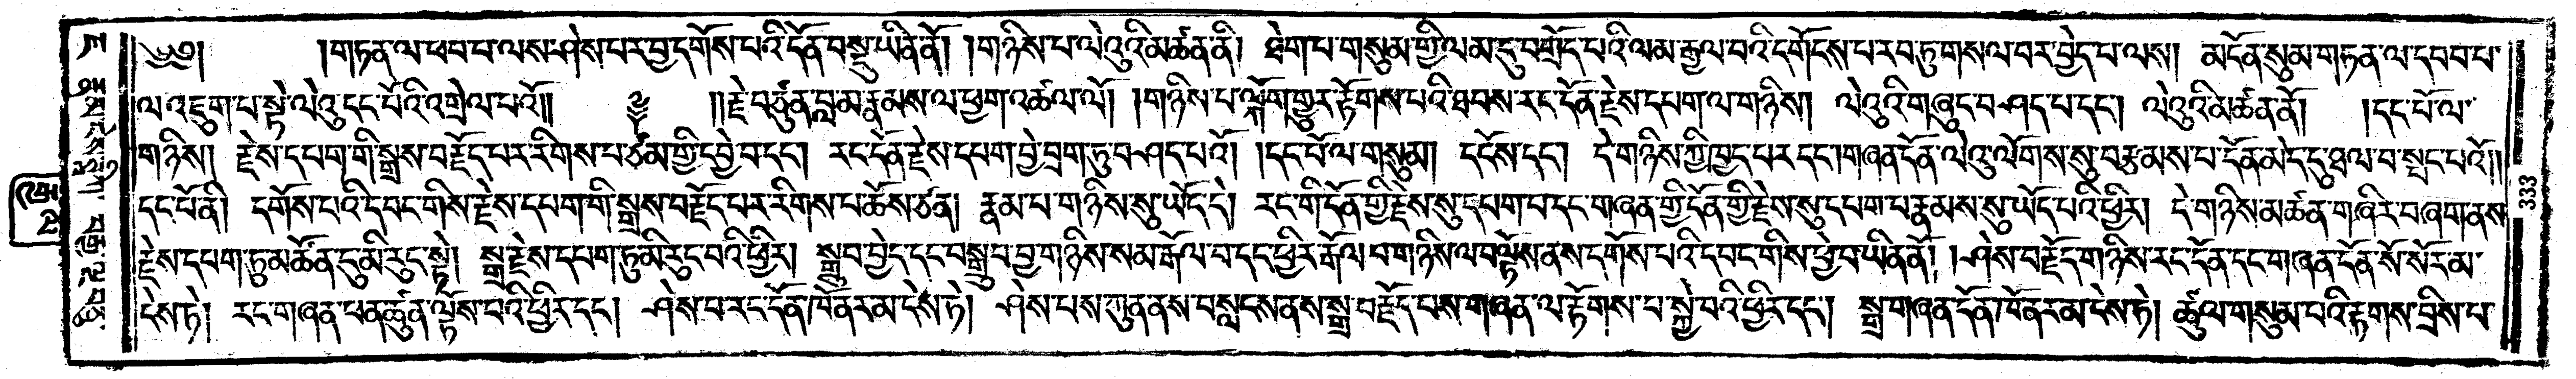༄༅། །གཏན་ལ་ཕབ་པ་ལས་ཤེས་པར་བྱ་དགོས་པའི་དོན་བསྡུ་ཡིན་ནོ། །གཉིས་པ་ལེའུའི་མཚན་ནི། ཐེག་པ་གསུམ་གྱི་ལམ་དུ་བགྲོད་པའི་ལམ་རྒྱལ་བའི་དགོངས་པ་རབ་ཏུ་གསལ་བར་བྱེད་པ་ལས། མངོན་སུམ་གཏན་ལ་དབབ་པ་
ལ་འཇུག་པ་སྟེ་ལེའུ་དང་པོའི་འགྲེལ་པའོ།། ༈ །།རྗེ་བཙུན་བླ་མ་རྣམས་ལ་ཕྱག་འཚལ་ལོ། །གཉིས་པ་ལྐོག་གྱུར་རྟོགས་པའི་ཐབས་རང་དོན་རྗེས་དཔག་ལ་གཉིས། ལེའུའི་གཞུང་བཤད་པ་དང་། ལེའུའི་མཚན་ནོ། །དང་པོ་ལ་
གཉིས། རྗེས་དཔག་གི་སྒྲས་བརྗོད་པར་རིགས་པ་ཙམ་གྱི་དབྱེ་བ་དང་། རང་དོན་རྗེས་དཔག་བྱེ་བྲག་ཏུ་བཤད་པའོ། །དང་པོ་ལ་གསུམ། དངོས་དང་། དེ་གཉིས་ཀྱི་ཁྱད་པར་དང་། གཞན་དོན་ལེའུ་ལོགས་སུ་བརྩམས་པ་དོན་མེད་དུ་ཐལ་བ་སྤང་པའོ།།
དང་པོ་ནི། དགོས་པའི་དབང་གིས་རྗེས་དཔག་གི་སྒྲས་བརྗོད་པར་རིགས་པ་ཆོས་ཅན། རྣམ་པ་གཉིས་སུ་ཡོད་དེ། རང་གི་དོན་གྱི་རྗེས་སུ་དཔག་པ་དང་གཞན་གྱི་དོན་གྱི་རྗེས་སུ་དཔག་པ་རྣམས་སུ་ཡོད་པའི་ཕྱིར། དེ་གཉིས་མཚན་གཞིར་བཞག་ནས་
རྗེས་དཔག་ཏུ་མཚོན་དུ་མི་རུང་སྟེ། སྒྲ་རྗེས་དཔག་ཏུ་མི་རུང་བའི་ཕྱིར། སྒྲུབ་བྱེད་དང་བསྒྲུབ་བྱ་གཉིས་སམ་རྒོལ་བ་དང་ཕྱིར་རྒོལ་བ་གཉིས་ལ་བལྟོས་ནས་དགོས་པའི་དབང་གིས་ཕྱེ་བ་ཡིན་ནོ། །ཤེས་བརྗོད་གཉིས་རང་དོན་དང་གཞན་དོན་སོ་སོར་མ་
ངེས་ཏེ། རང་གཞན་ཕན་ཚུན་ལྟོས་པའི་ཕྱིར་དང་། ཤེས་པ་རང་དོན་ཁོ་ནར་མ་ངེས་ཏེ། ཤེས་པས་ཀུན་ནས་བསླངས་ནས་སྒྲ་བརྗོད་པས་གཞན་ལ་རྟོགས་པ་སྐྱེ་བའི་ཕྱིར་དང་། སྒྲ་གཞན་དོན་ཁོ་ནར་མ་ངེས་ཏེ། ཚུལ་གསུམ་པའི་རྟགས་བྲིས་པ་